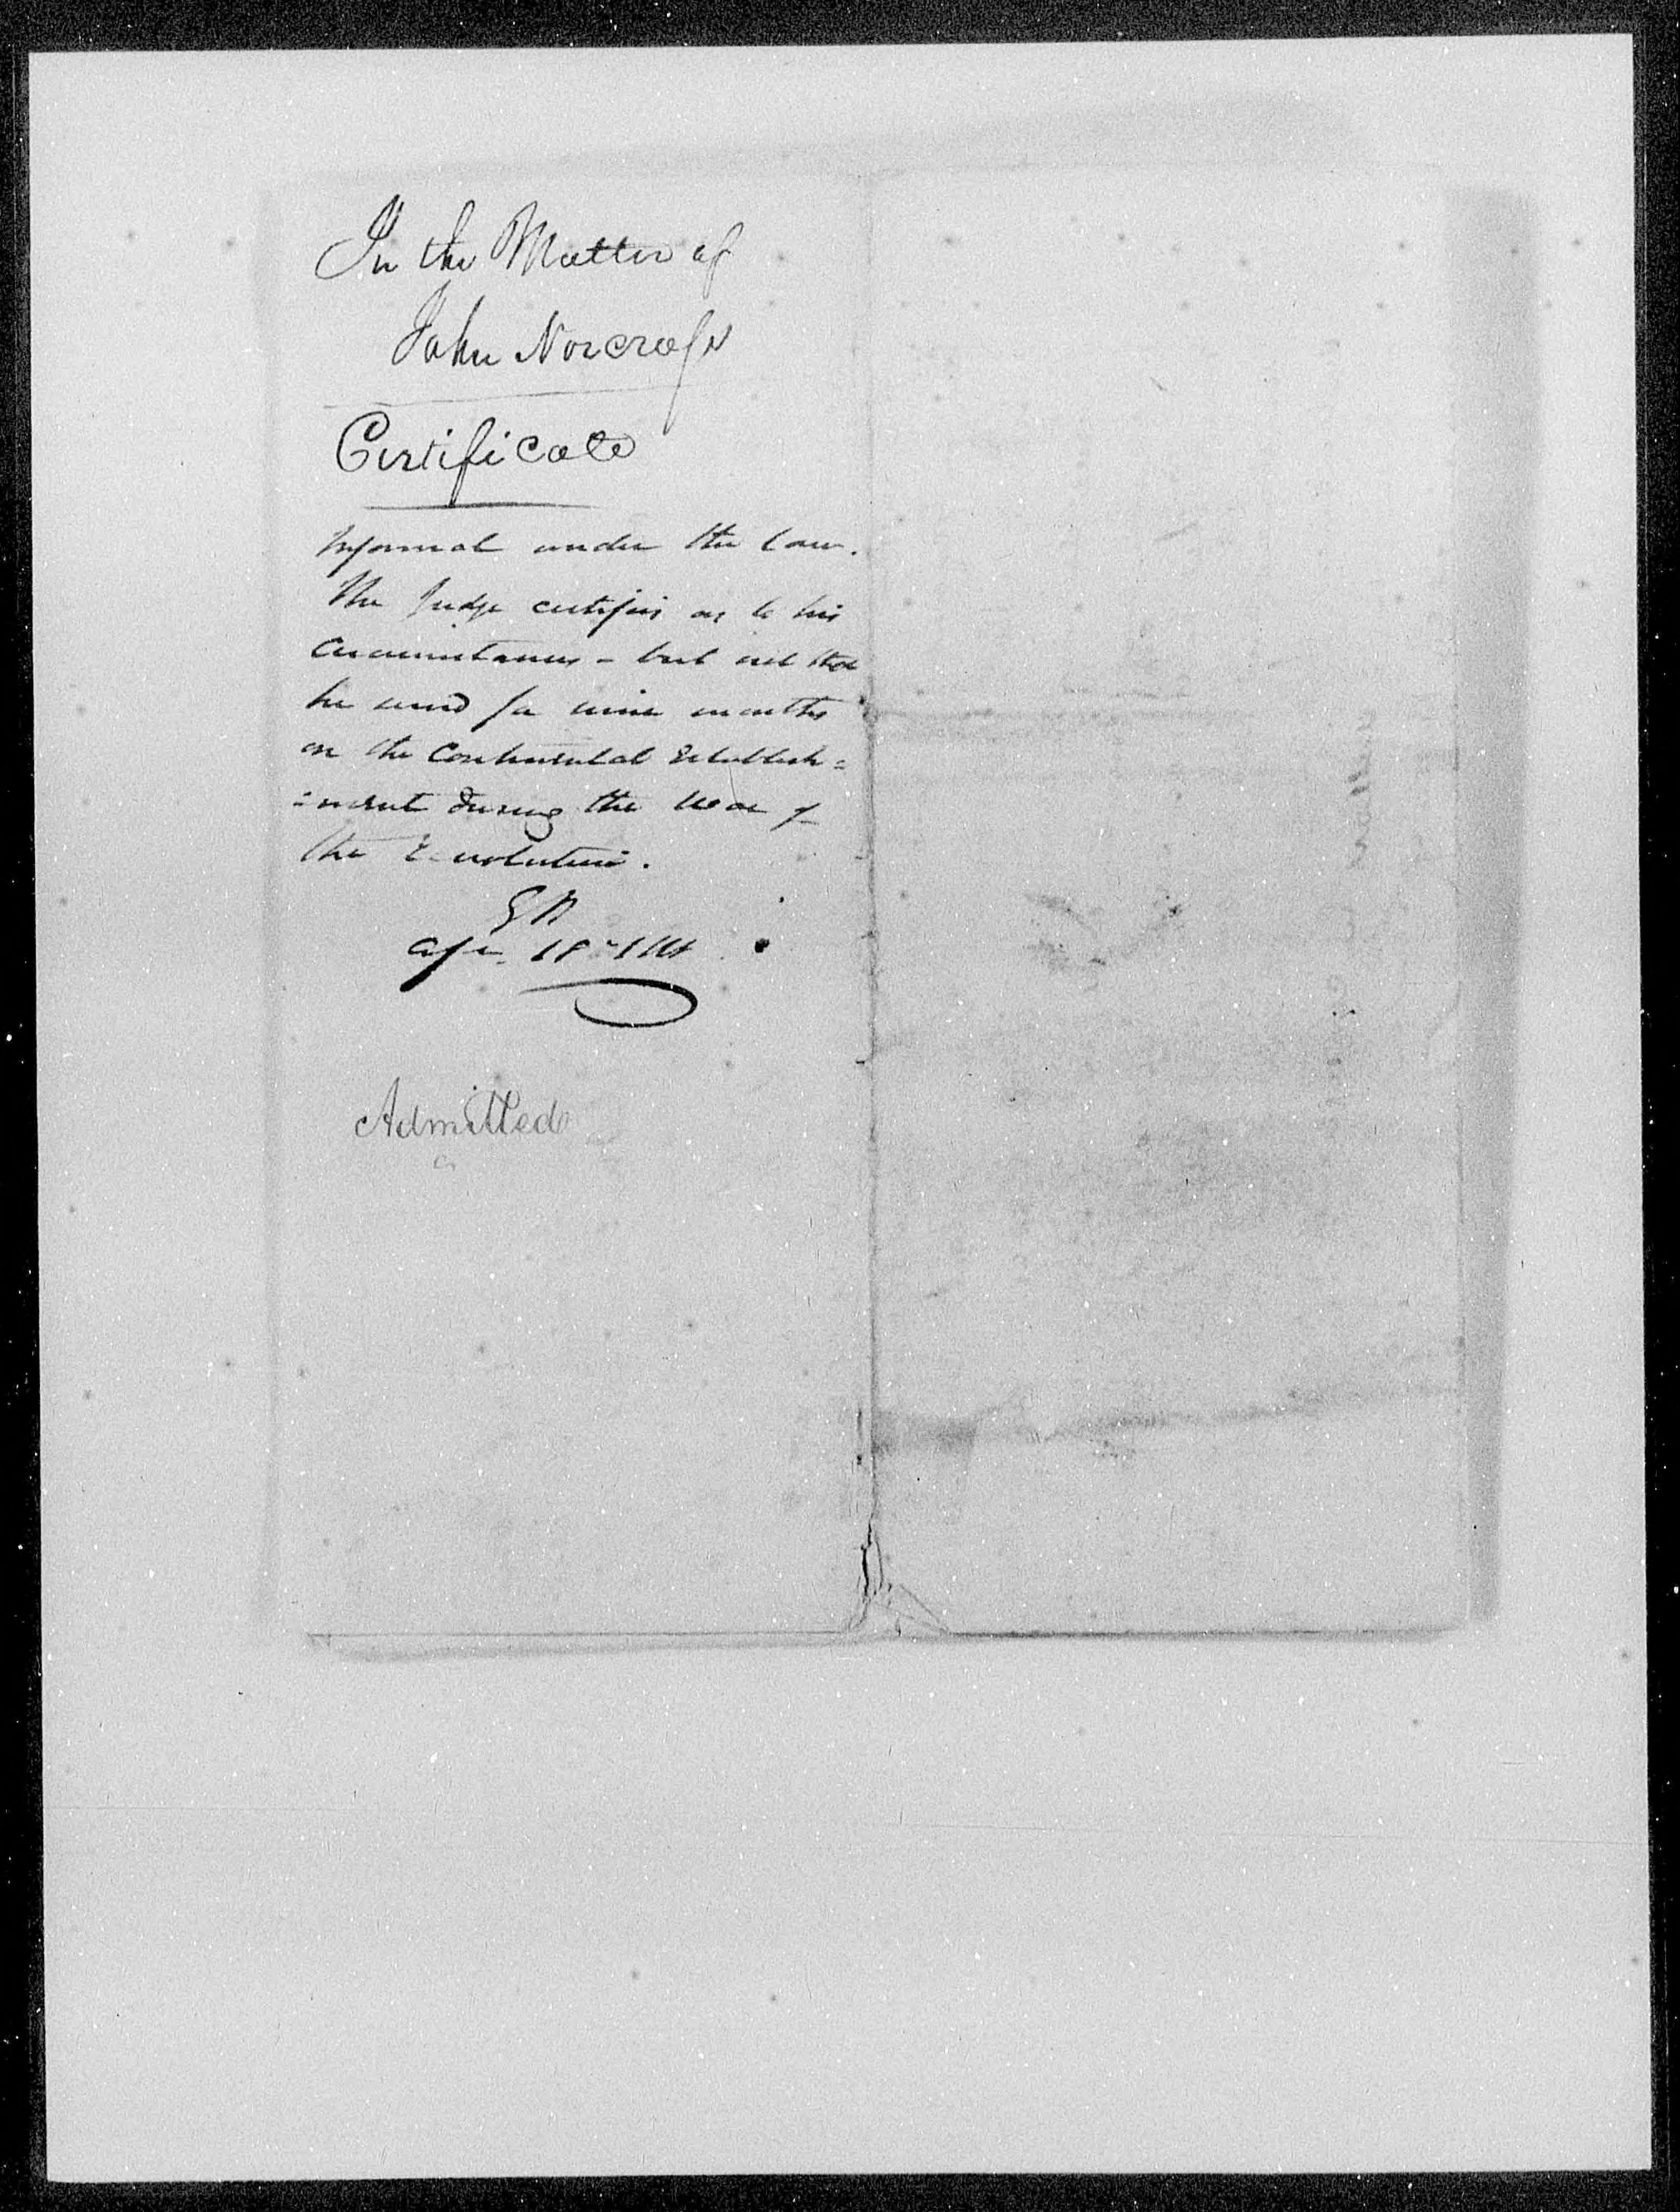In the Matter of 
John Norcross
Certificate
Informal under the law
The Judge certifies as to his
circumstances but not that
he and for nine months
in the Continental establishment during the war of the Revolution
SN
Act 1874
Admitted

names: John Norcross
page: 4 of 23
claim: survivor's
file: S. 27257, for John Norcross, Pennsylvania